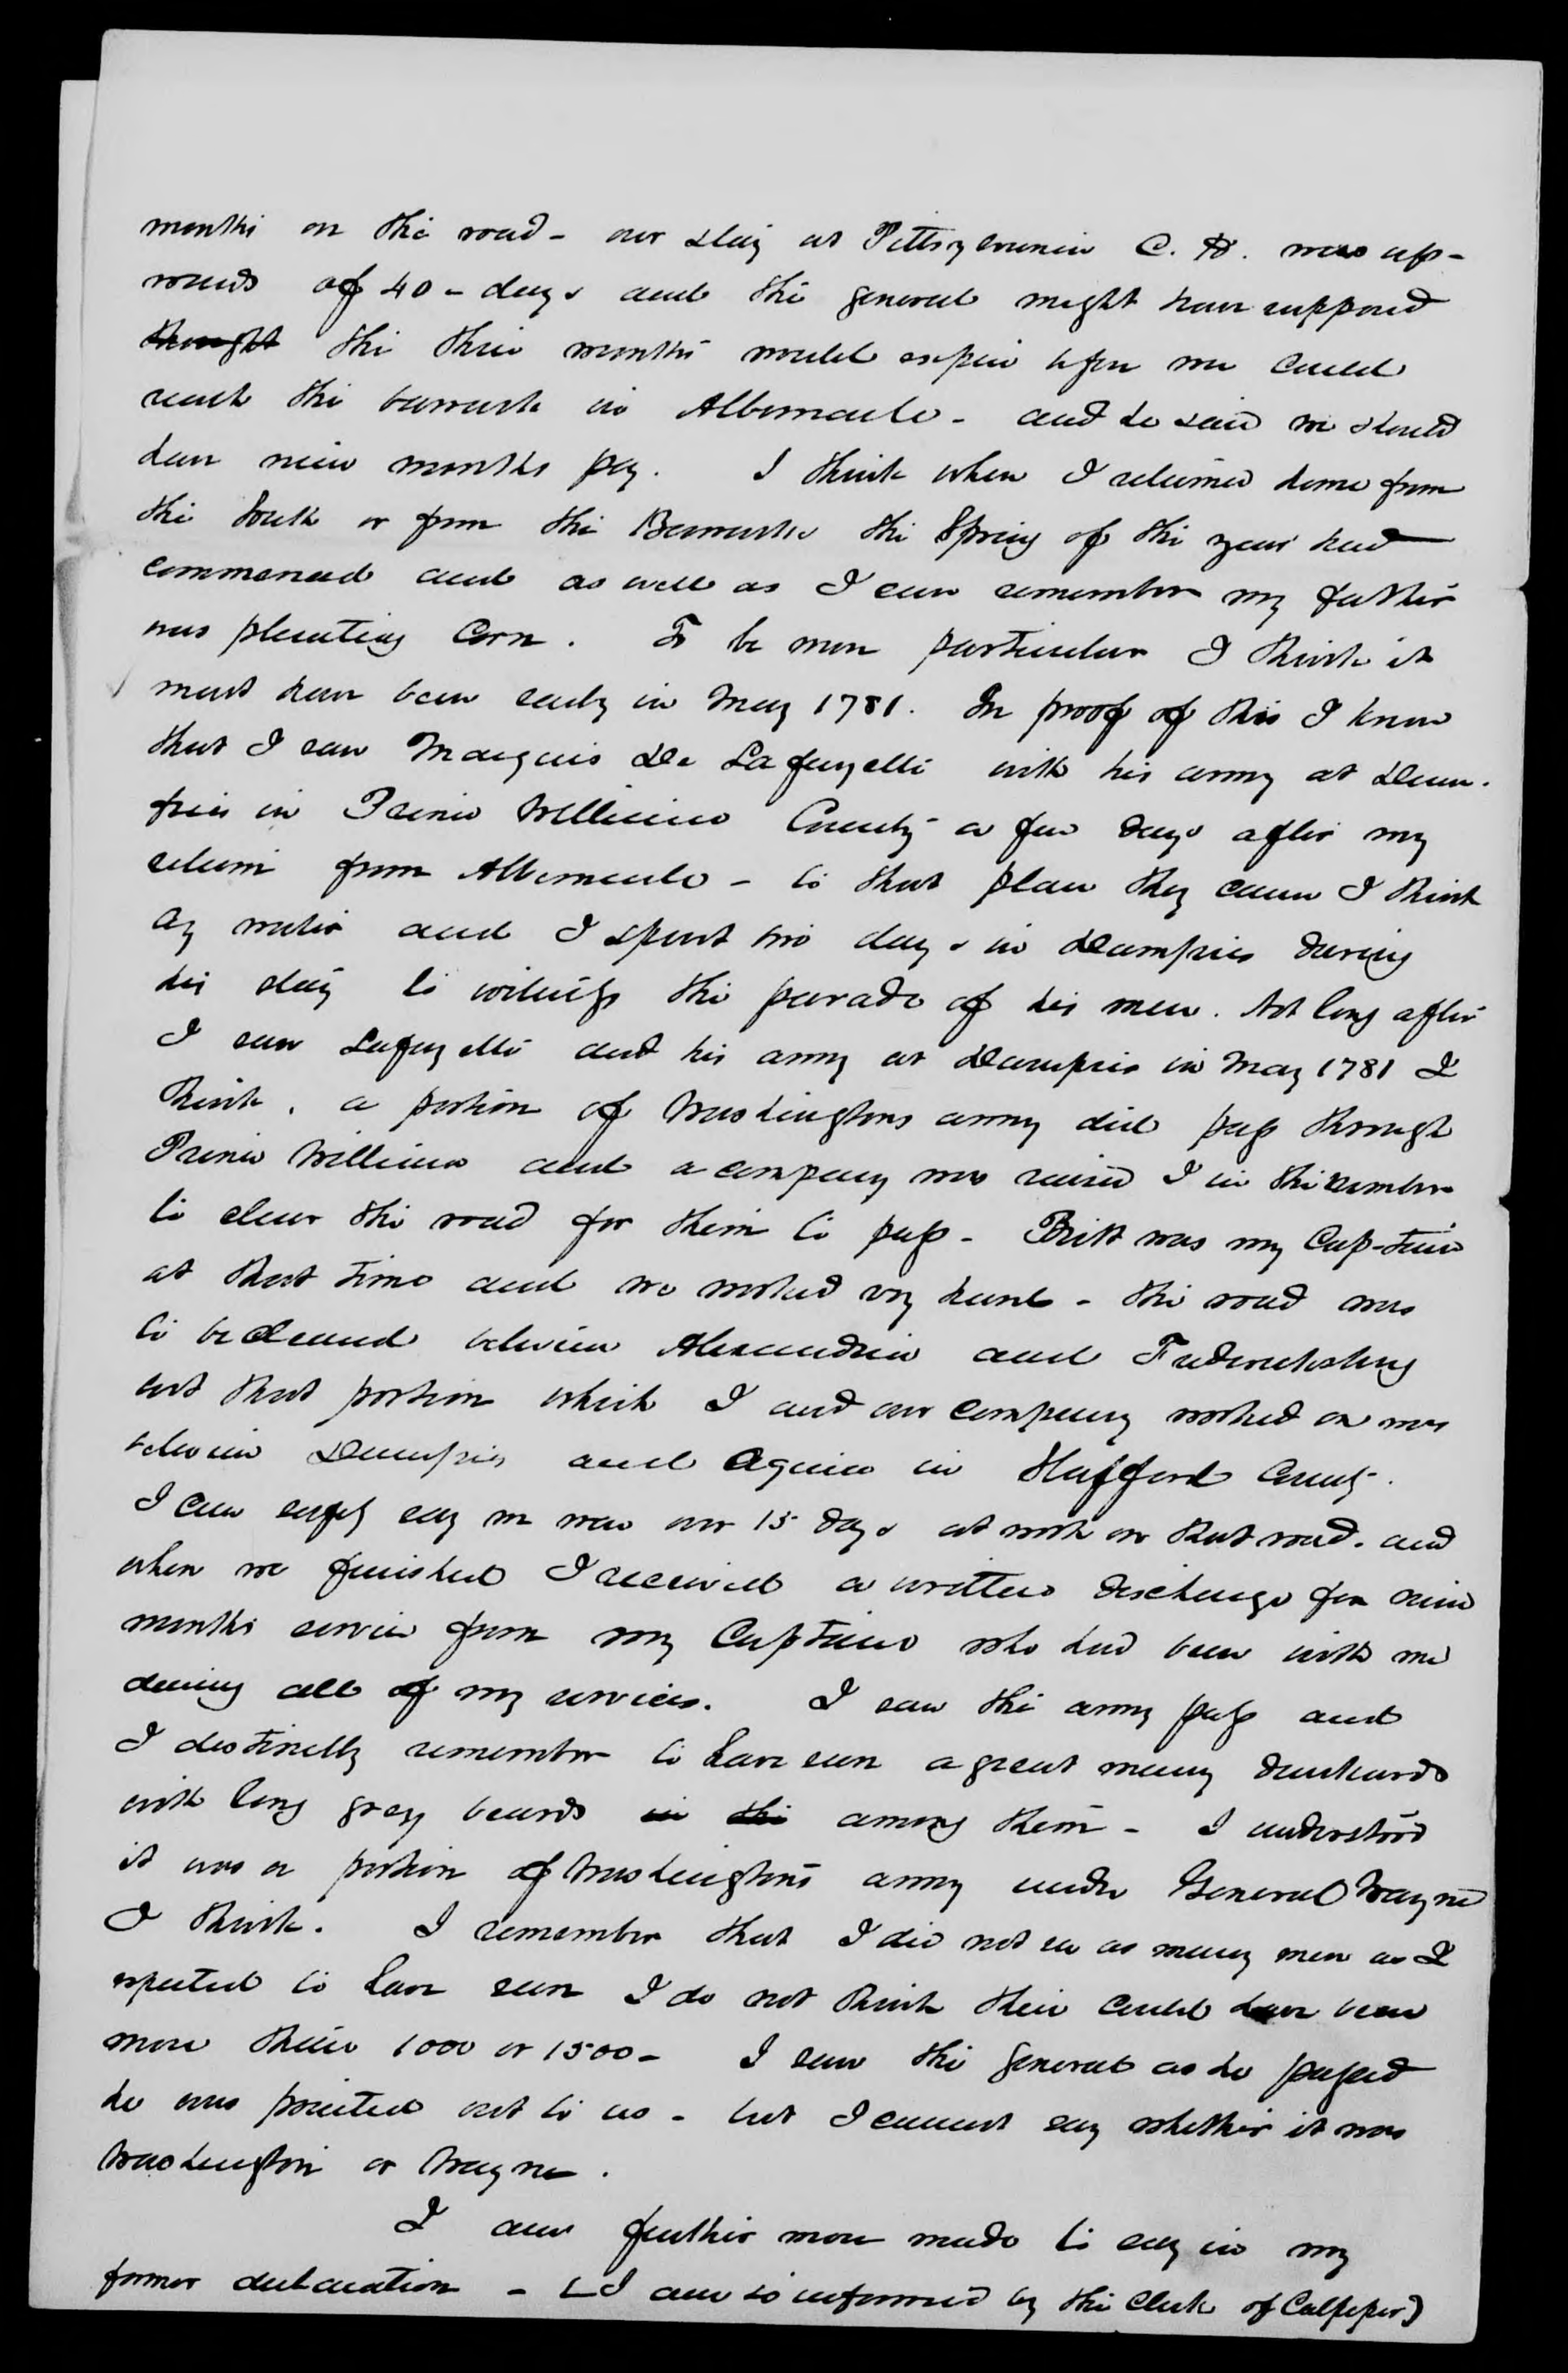months on the road-- our stay as Pittsylvania C. H. [Court House] was upwards of 40 days and the general might have supposed this three months march expired before we could reach the barracks in Albemarle, and to say we should [illegible] nine months pay. I think when I returned home from the South or from the Barracks the Spring of this year had commenced and as well as I can remember my father was planting corn. To be more particular I think it must have been early in May 1781. In proof of this I know that I saw Marquis De Lafayette with his army at Dumfries in Prince William County a few days after my return from Albemarle - to that place they came I think by [illegible] and I spent two days in Dumfries during his stay to witness the parade of his men. Not long after I saw Lafayette and his army at Dumfries in May 1781 I think a portion of Washingtons army did pass through Prince William and a company was raised I in number to clear the road for them to pass. Britt was my Captain at that time and we marched very hard this road was to be cleared between Alexandria and Fredericksburg and that portion which I and our company worked on were between Dumfries and again in Stafford County. I can easily say we were over 15 days at march on that road and when we finished I received a written discharge for nine months service from my captain who had been with me during all of my services. I saw the army pass and I distinctly remember a great many drunkards with long grey beards in the among them. I understood it was a portion of Washington's army under General Wayne
I think. I remember that I did not see as many men as I expected to have seen I do not think their could have been more than 1000 or 1500. I saw the general as he passed
he was pointed out to us, but I cannot say whether it was Washington or Wayne
I  was further more made to say in my
former declaration I am so informed by the Clerk of Culpeper)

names: Washington, Marquis De La Fayette, Britt, Wayne, Wayne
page: 19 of 61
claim: survivor's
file: S. 8236, Daniel Cole, Va.